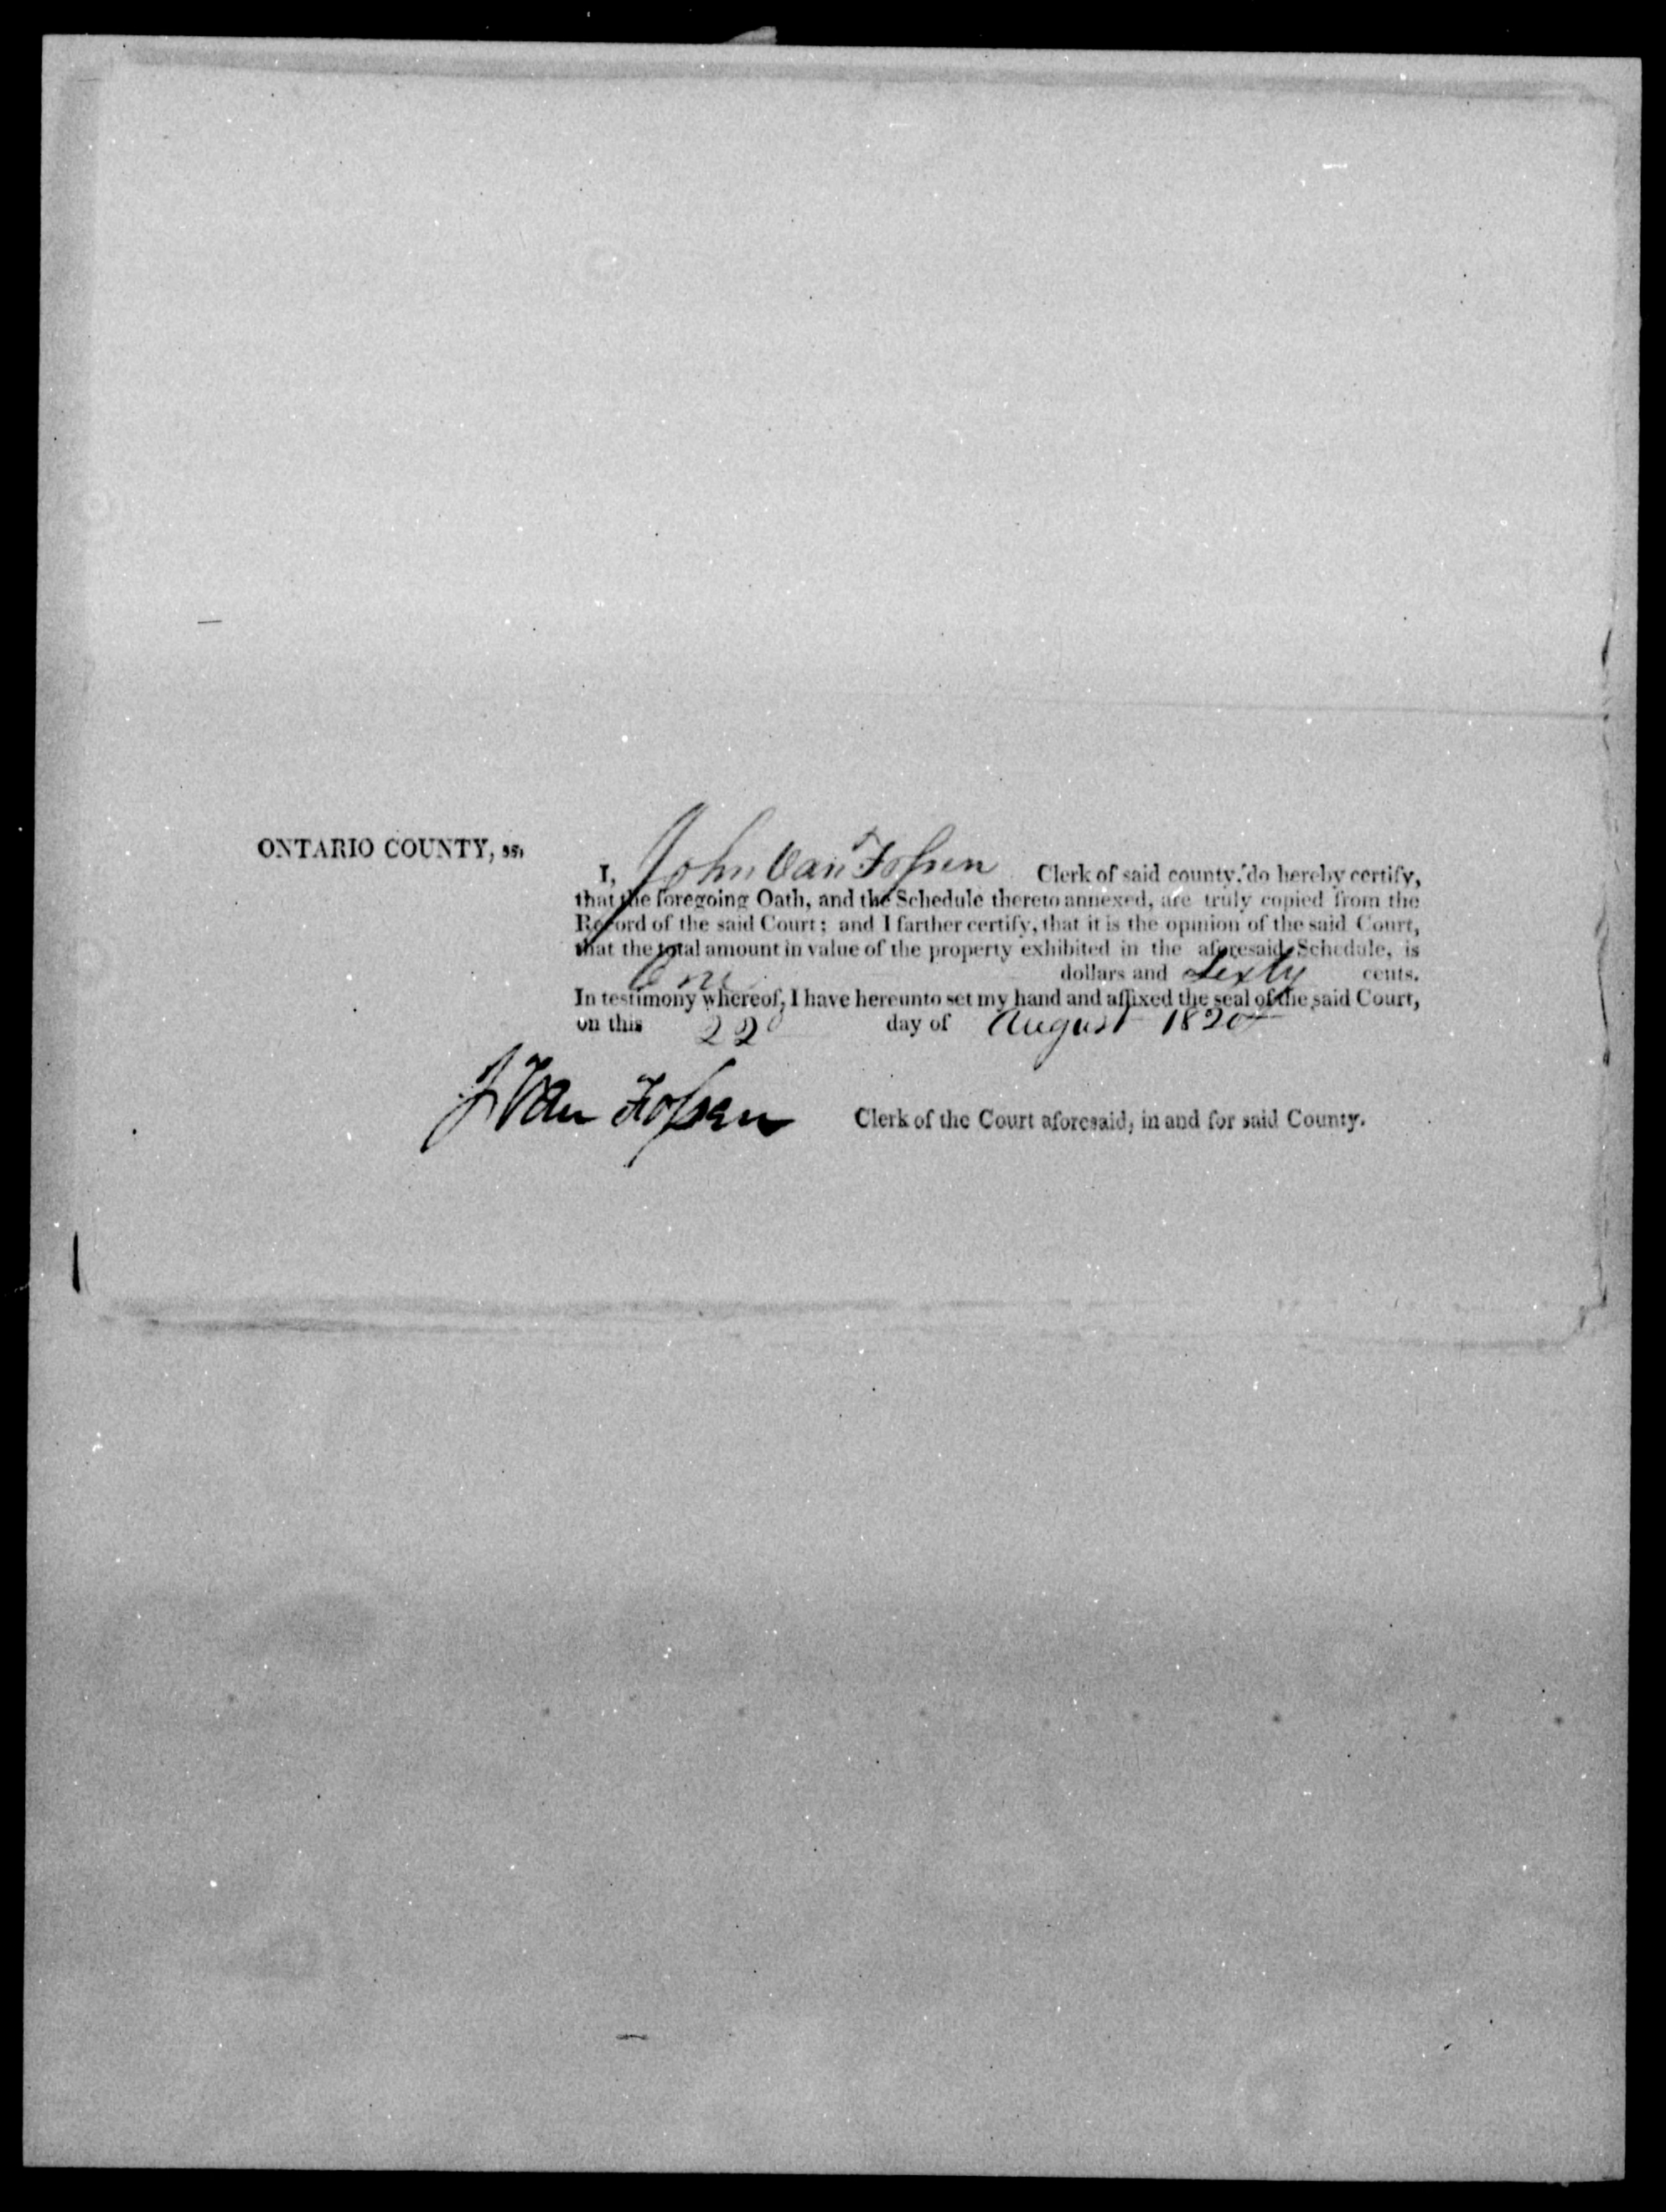Ontario County, SS;
I, John Van Fossen of said County, 'do hereby certify, that the foregoing Oath, and the Schedule thereto annexed-, are truly copied from the Record of the said Court; and I further certify, that it is the opinion of the said Court, that the total amount in value of the property exhibited in the aforesaid Schedule, is One dollars and Sixty cents.
In testimony whereof, I have hereunto set my hand and affixed the seal of the said Court, on this 22 day of August 1820
J Van Fossen Clerk of the Court aforesaid, in and for said County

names: J Van Fossen; John Van Fossen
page: 13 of 20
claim: survivor's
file: S. 43891, for Daniel Ray, Connecticut